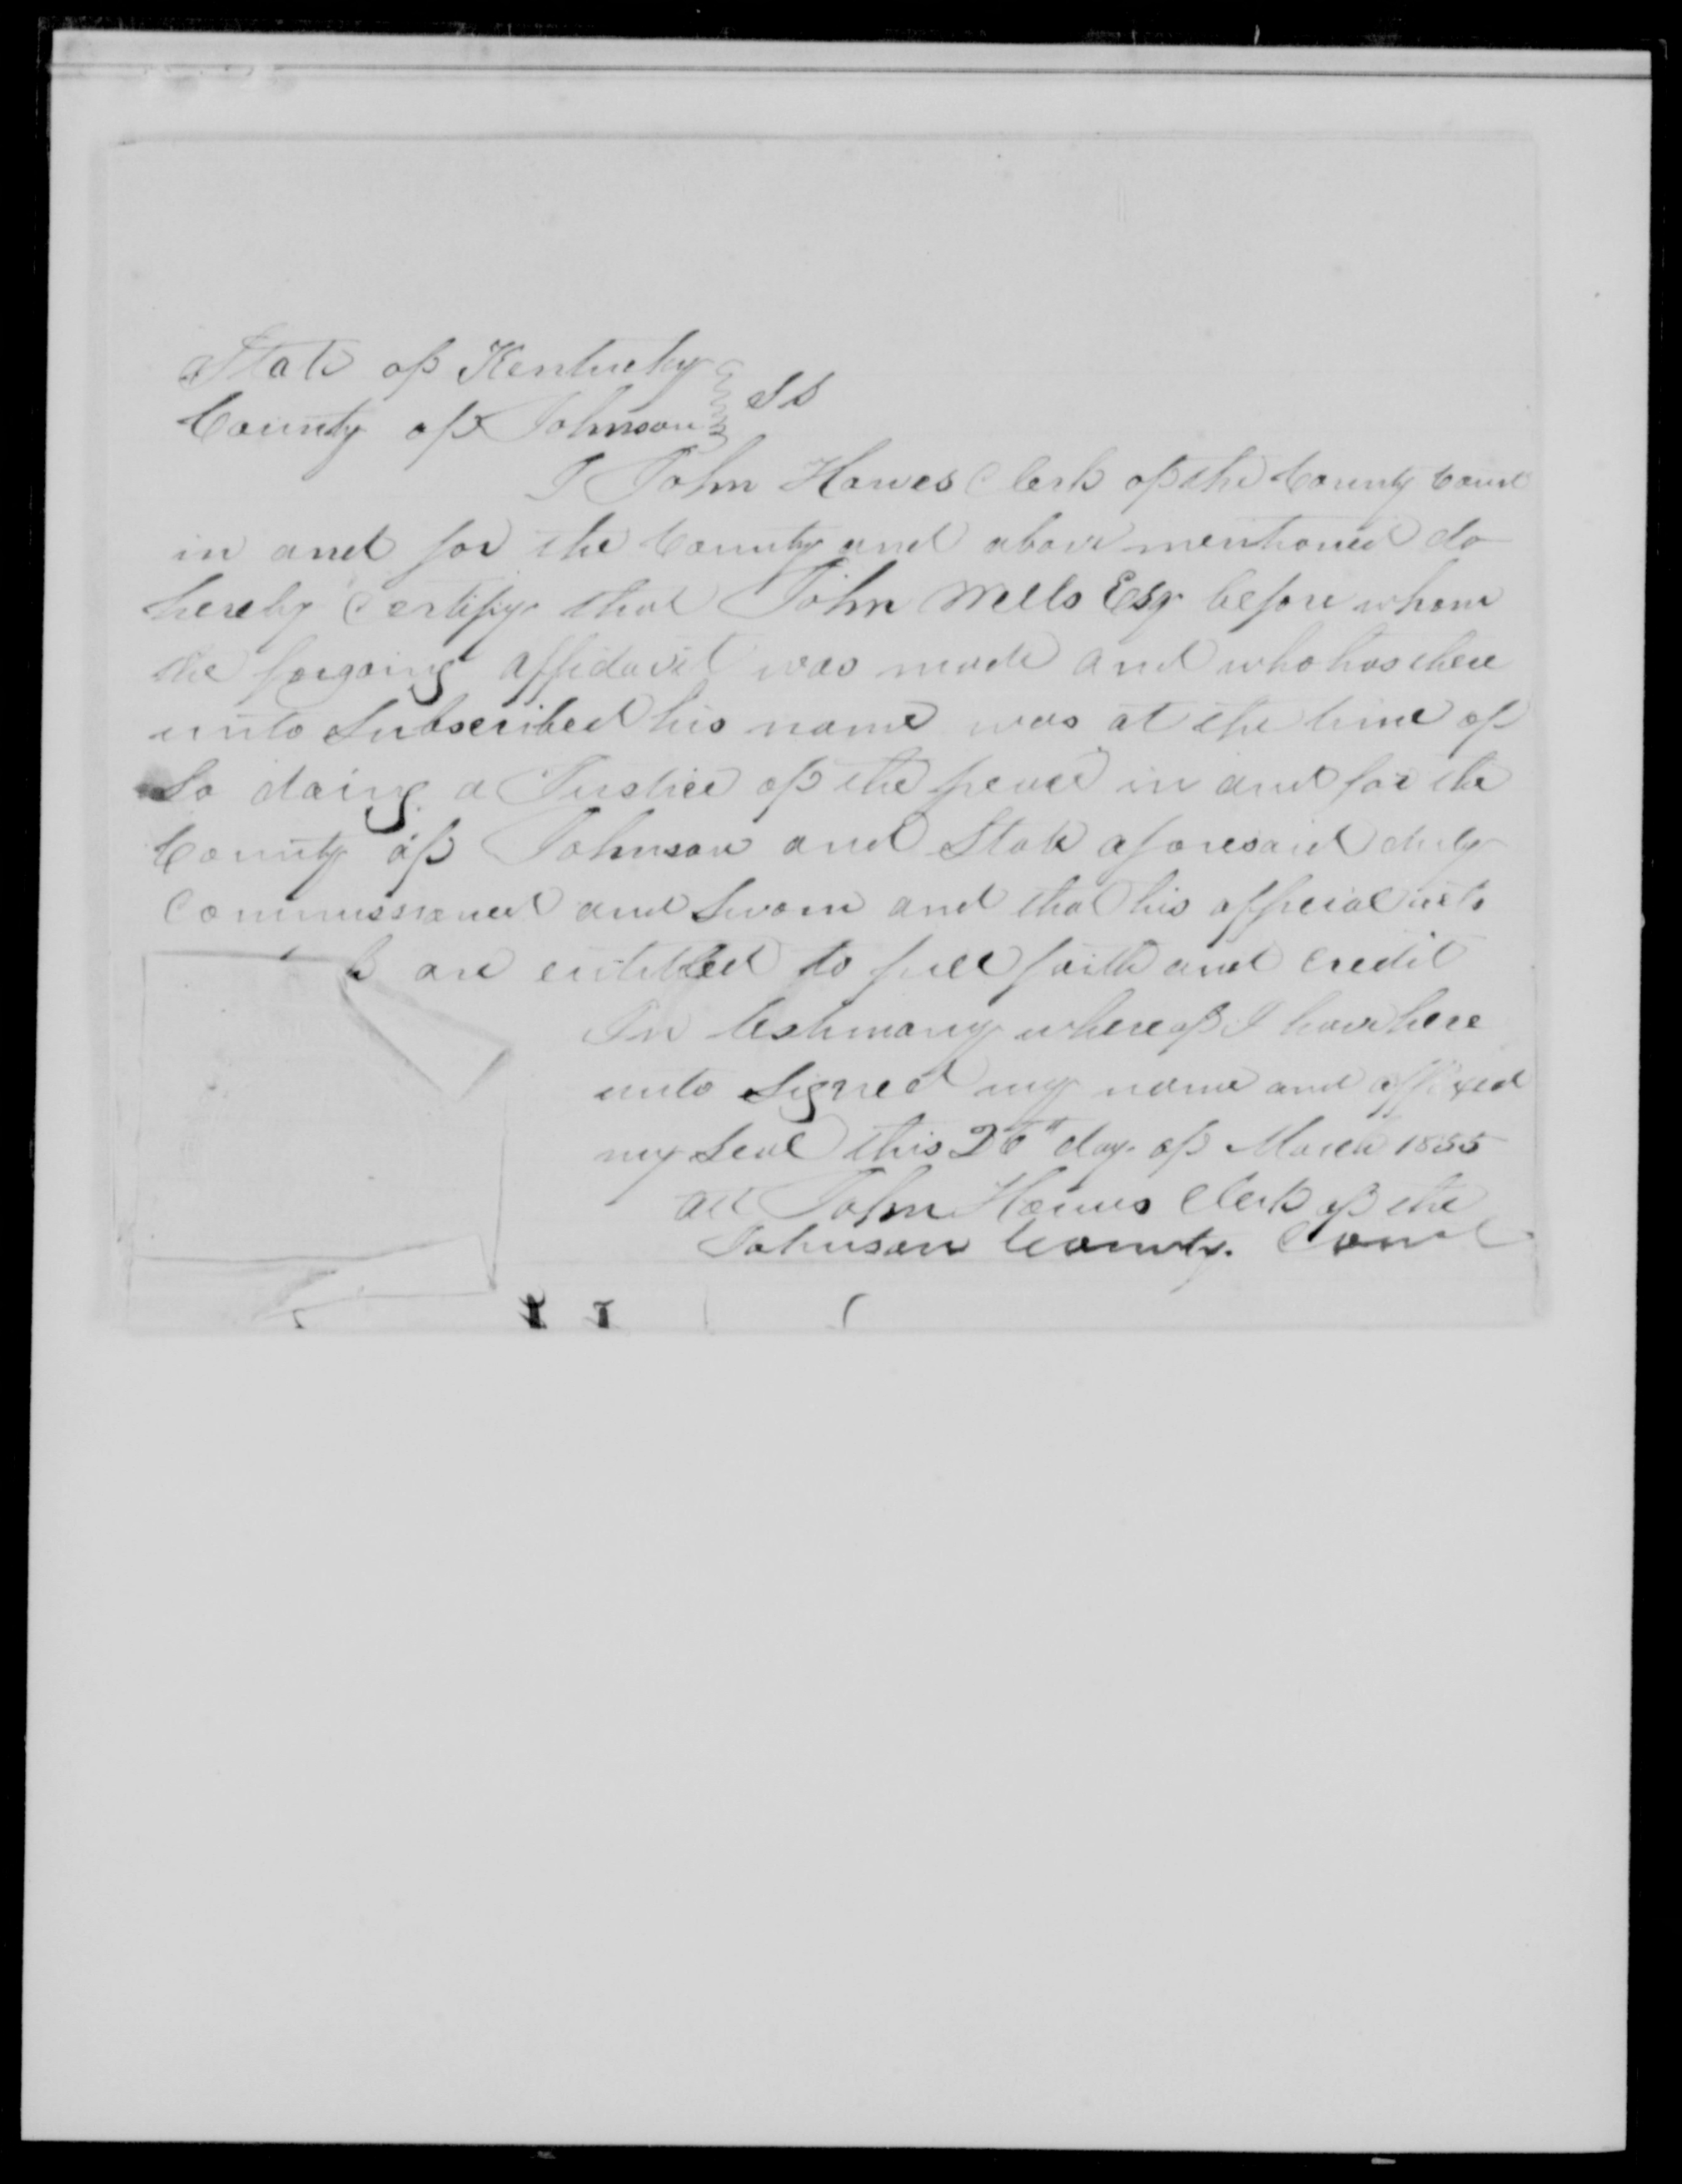[ State of Kentucky County of Johnson ] SS I John Howes Clerk of the County Court in and for the County abovementioned do hereby certify that John Wells Esq before whom the foregoing affidavits was made and who has thereunto subscribed his name was at the time of so doing  a Justice of the peace in and for the County of Johnson and State aforesaid  duly commissioned and sworn and that his official acts are entitled to full faith and credit . In testimony whereof I have hereunto signed my name and affixed my seal this 25th day of March 1855. John Howes( signed / sealed ) Clerk of the  Johnson County Court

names: John Howes, John Wells, John Hawes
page: 19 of 100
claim: widow's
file: W. 6437, Richard Wells, Ga Va.